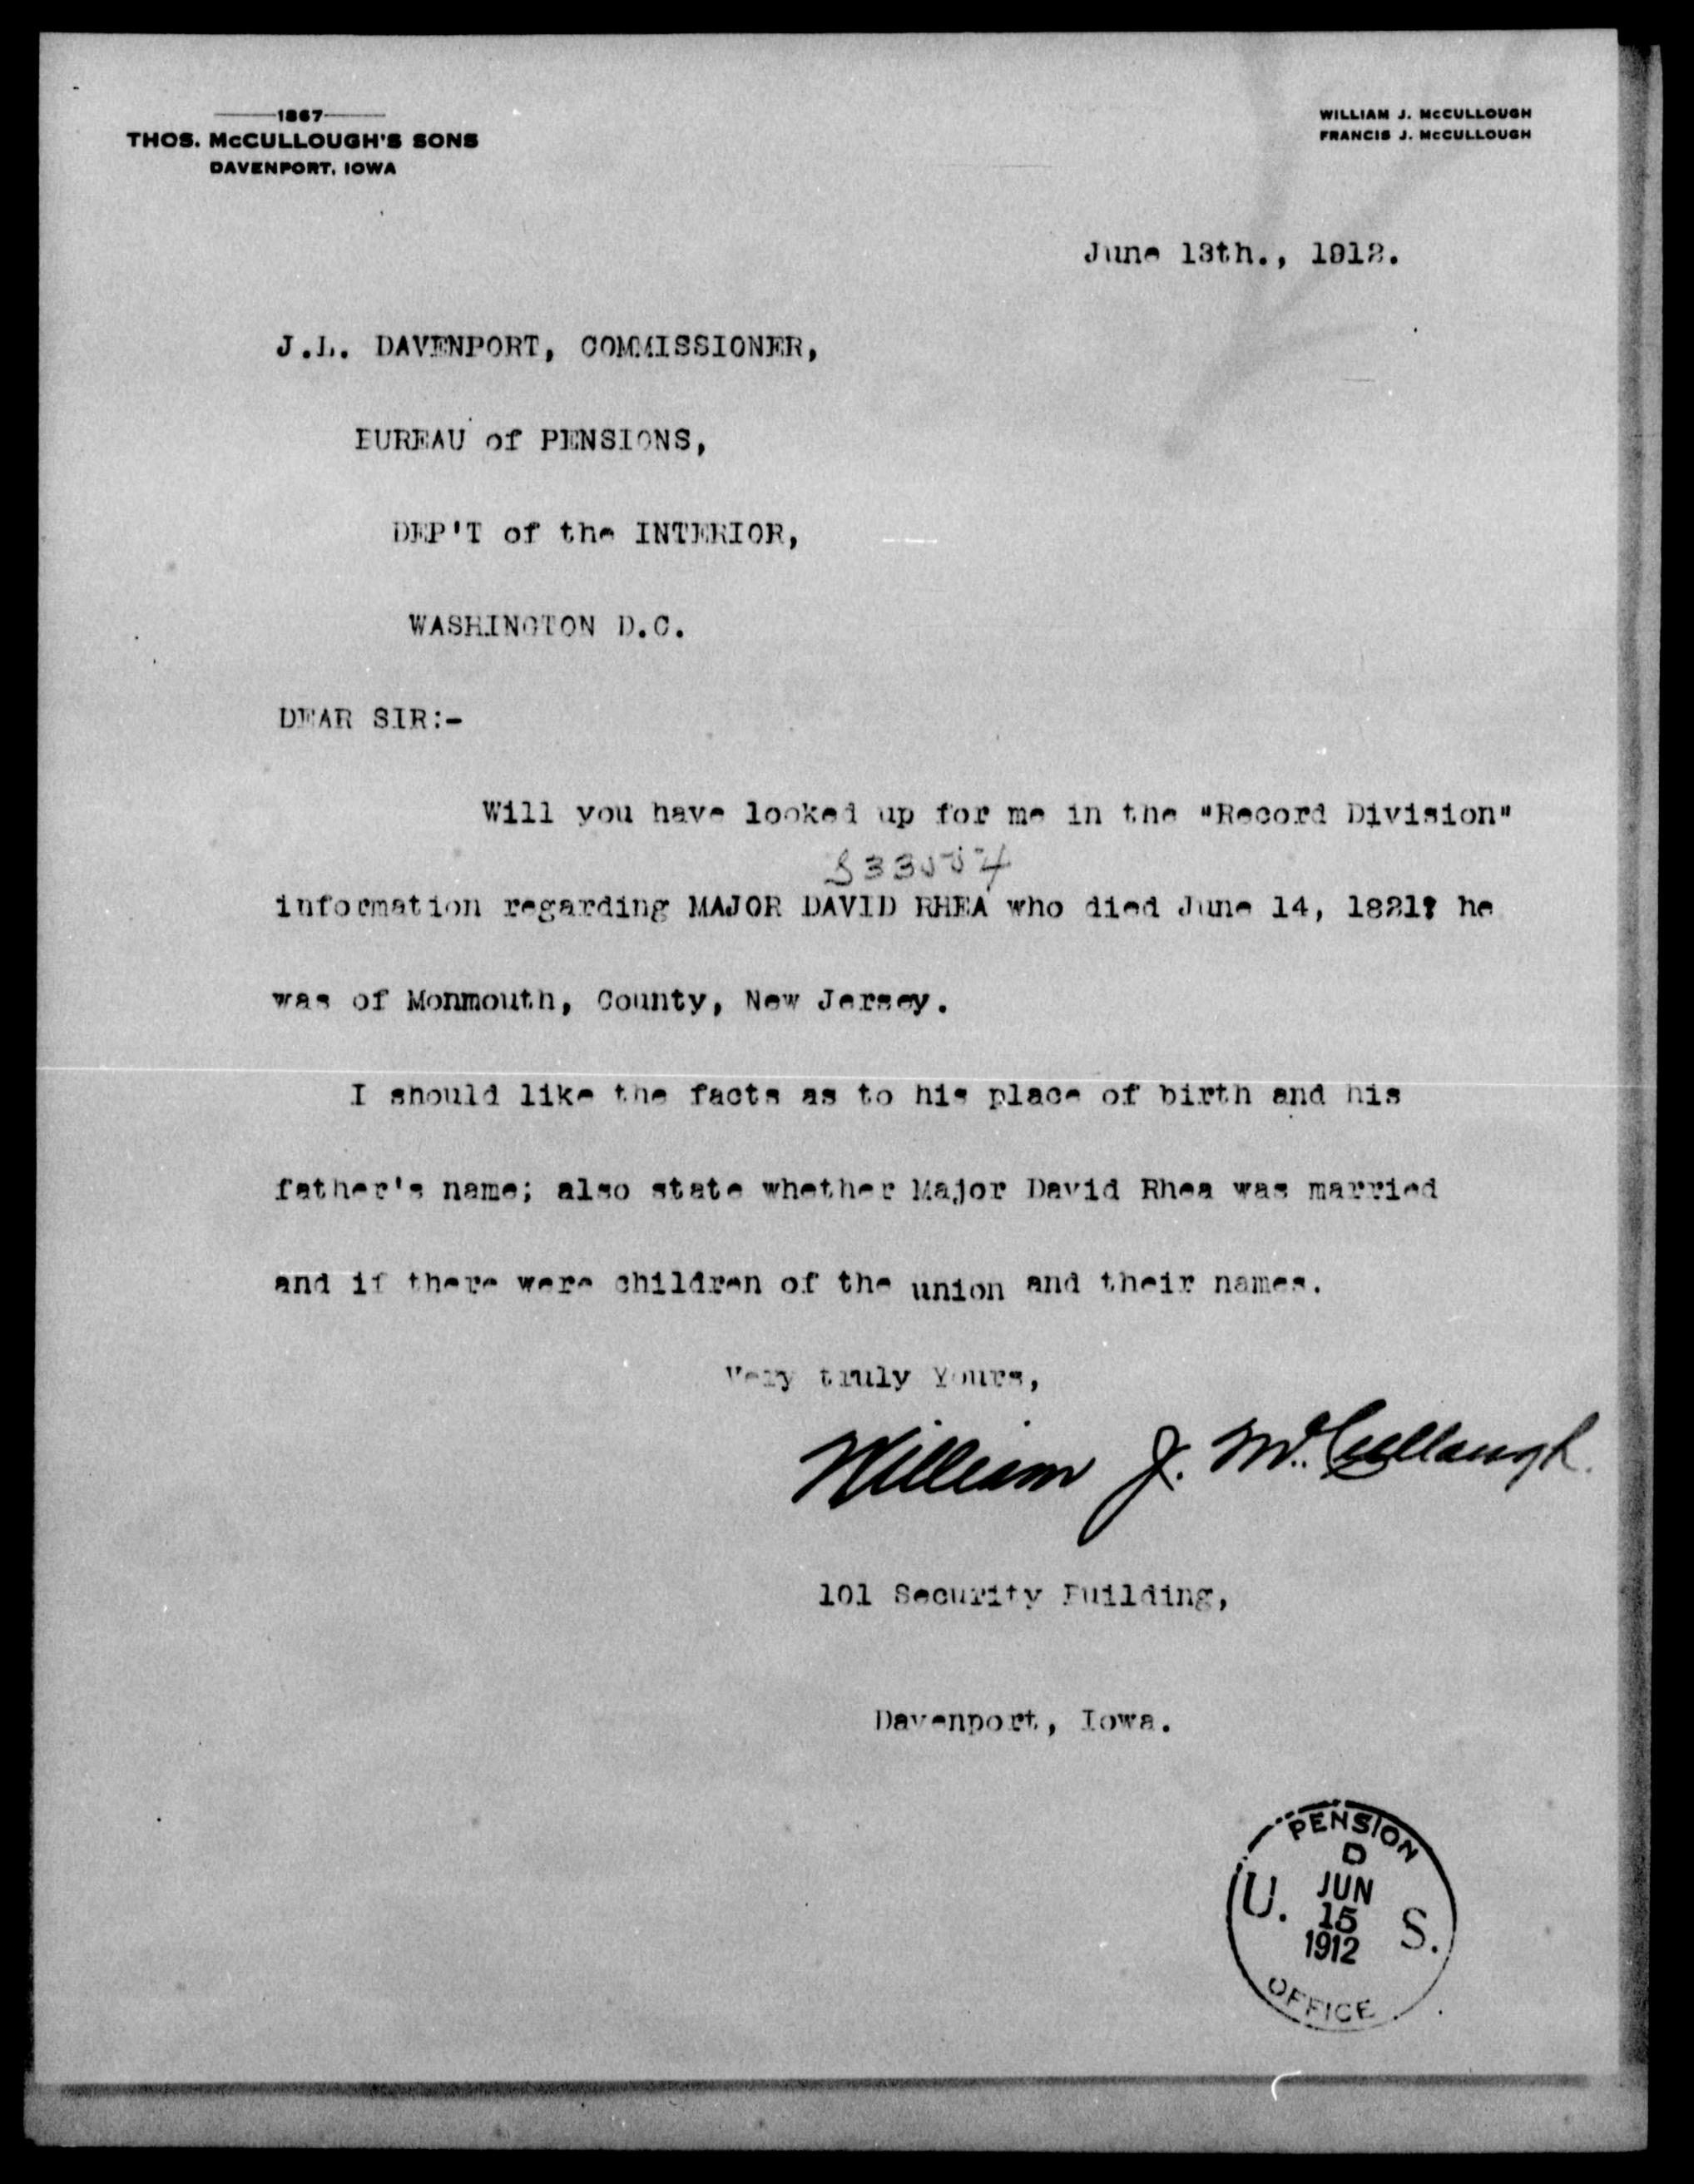1867
THOS. McCULLOUGH'S SONS
DAVENPORT, IOWA

WILLIAM J. McCULLOUGH
FRANCIS J. McCULLOUGH
June 13th., 1912.

J. L. DAVENPORT, COMMISSIONER,
BUREAU OF PENSIONS.
DEP'T of the INTERIOR,
WASHINGTON D.C.

DEAR SIR:--

Will you have looked up for me in the "Record Division"
information regarding MAJOR DAVID RHEA who died June 14, 1821? he
was of Monmouth, County, New Jersey.
[handwritten above "DAVID RHEA":] 833084

I should like the facts as to his place of birth and his
father's name; also state whether Major David Rhea was married
and if there were children of the union and their names.

Very truly yours,
William J. McCullough
101 Security Building,
Davenport, Iowa.

[Stamp} U. S. PENSION OFFICE D JUN 15 1912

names: Francis J Mc Cullough; David Rhea; J L Davenport; Thos Mc Cullough; David Rhea; William J Mc Cullaugh; William J Mc Cullough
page: 15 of 21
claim: survivor's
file: S. 33,554, for David Rhea, New Jersey